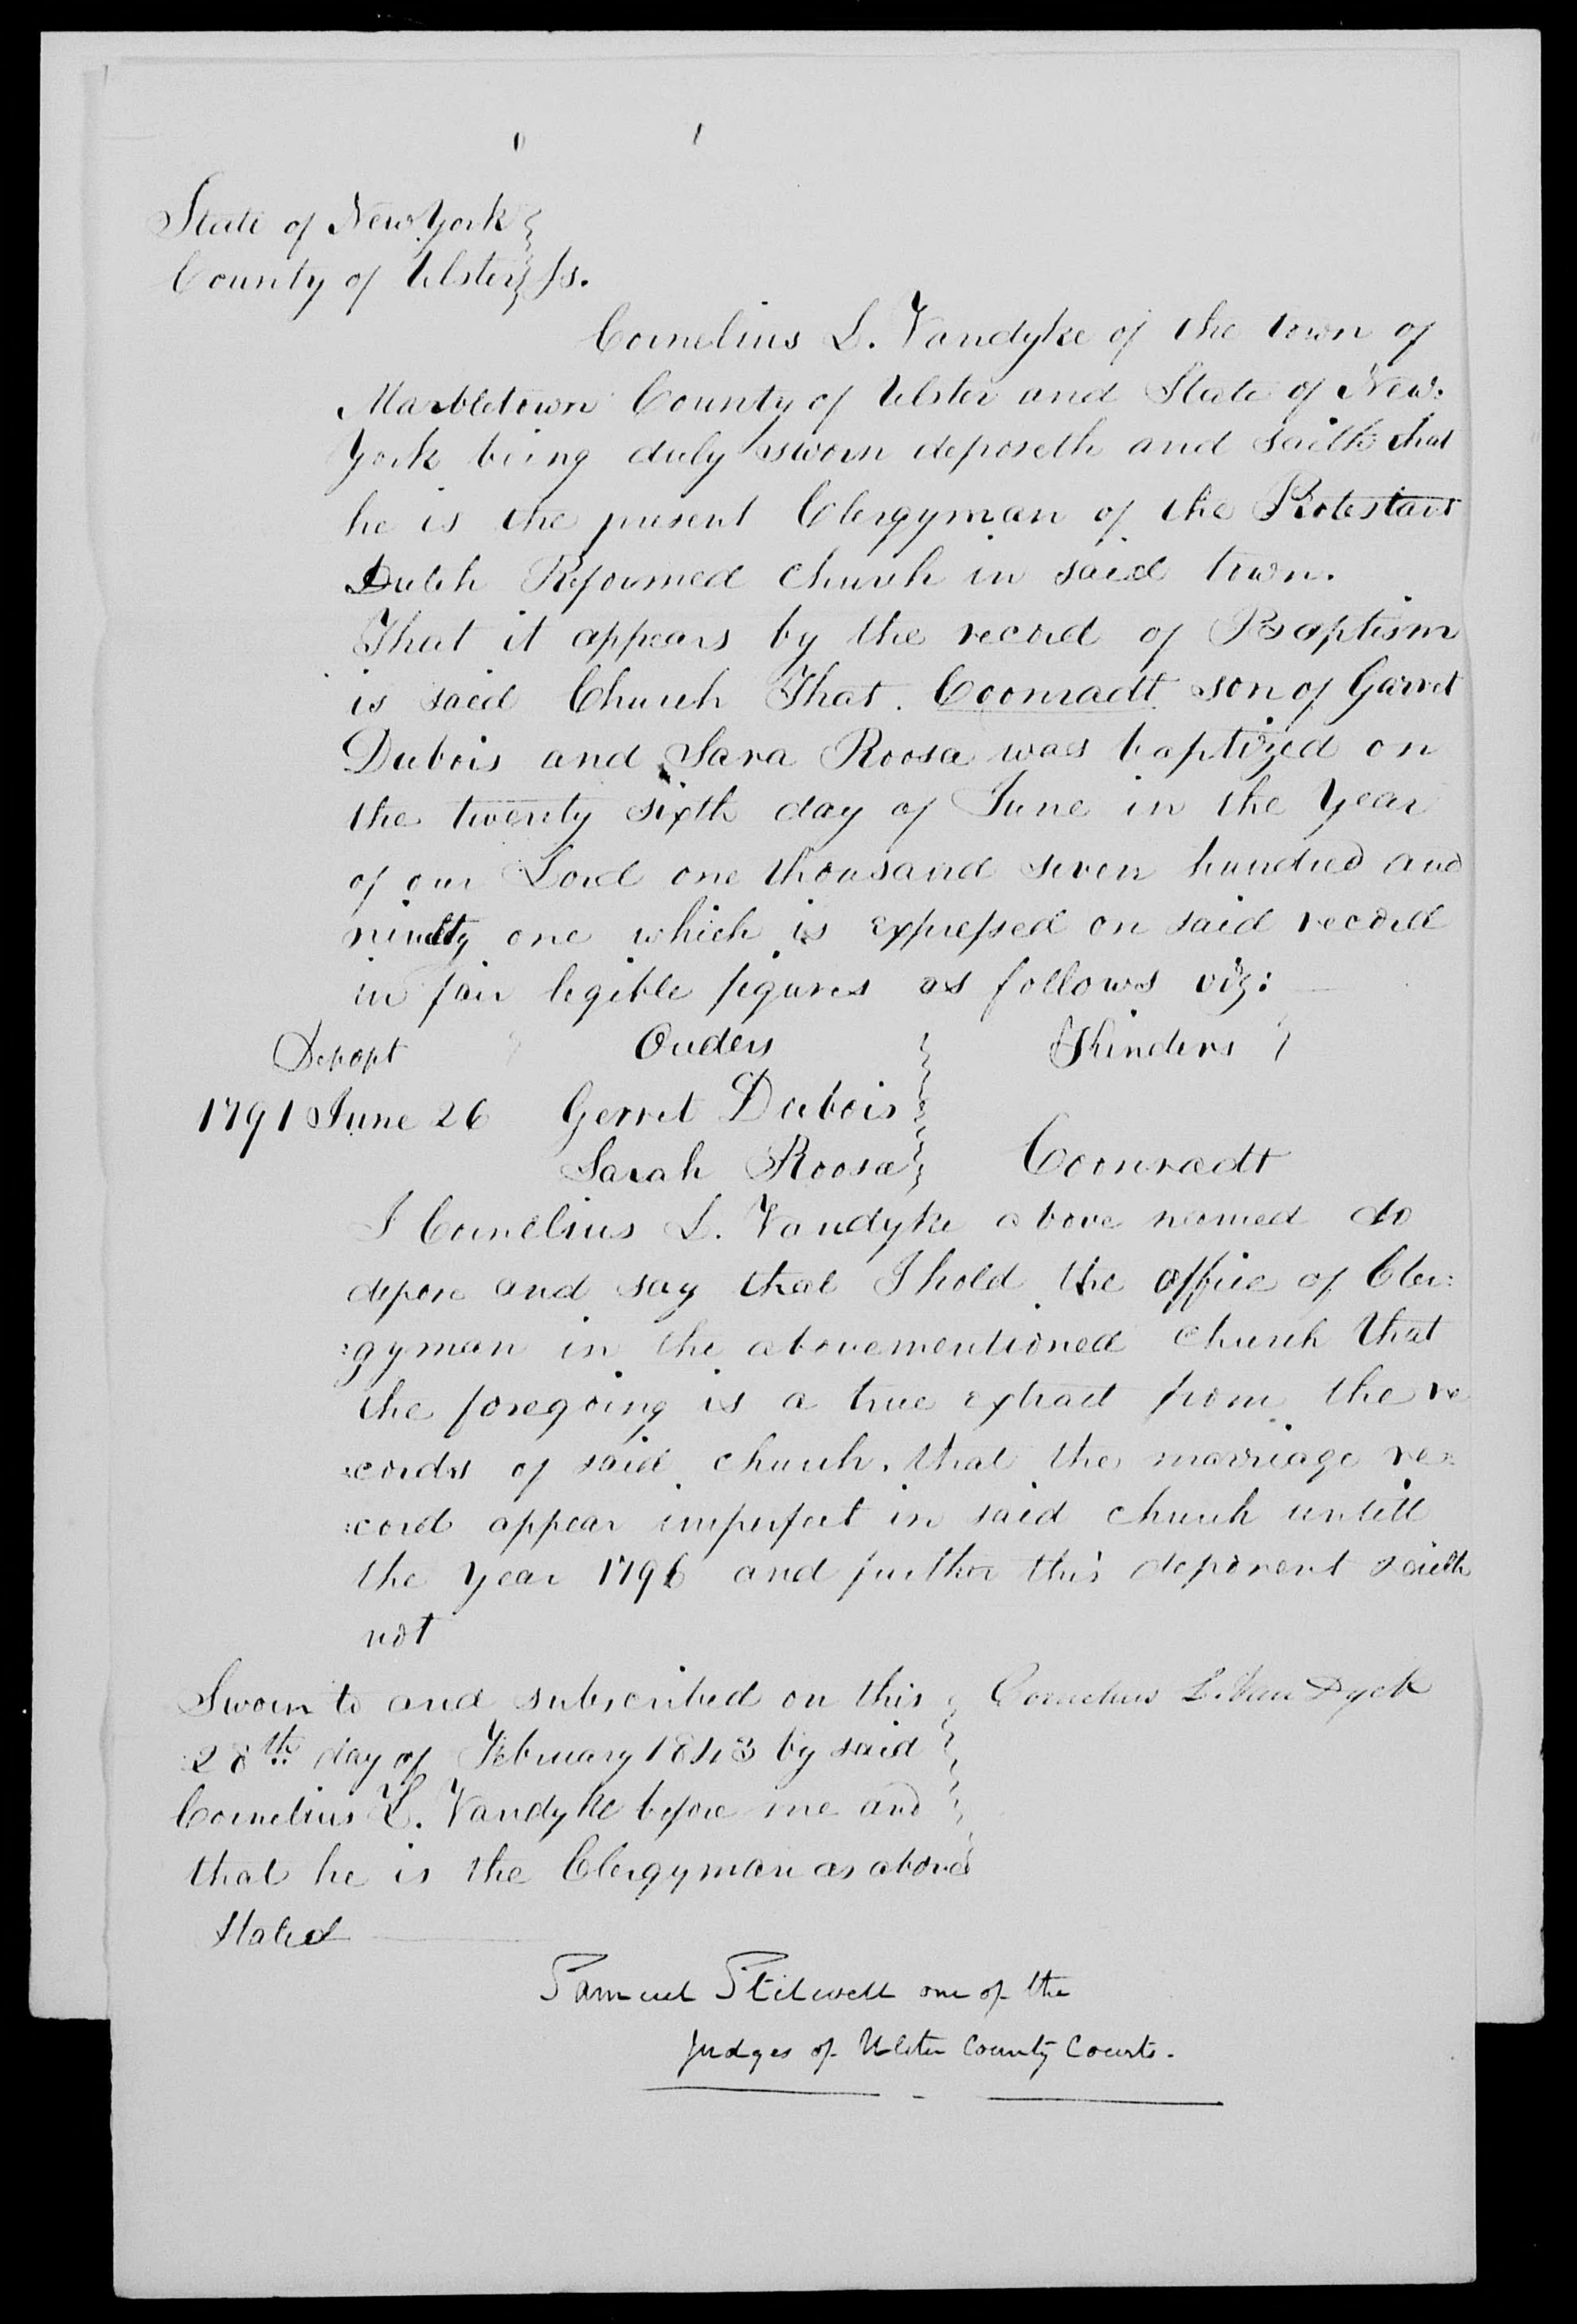State of New York}
County of Ulster    } Ss.
Cornelius L. Vandyke of the town of Marbletown County of Ulster and State of New York being duly sworn deposeth and saith that he is the present Clergyman of the Protestant Dutch Reformed Church in said town.
That it appears by the record of Baptism is said Church That Coonradt son of Garret Dubois and Sara Roosa was baptized on the twenty sixth day of June in the year of our Lord one thousand seven hundred and ninety one which is expressed on said record in fair legible figures as follows viz: -
Depost}
1791 June 26
Ouders
Garret Dubois
Sarah Roosa   ⎬
Kinders}
Coonradt
I Cornelius L. Vandyke above named do depose and say that I hold the office of Clergyman in the above mentioned Church that the foregoing is a true extract from the records of said church, that the marriage record appear imperfect in said church untill the year 1796 and further this deponent saith not.
[signed] Cornelius L. Van Dyck
Sworn to and subscribed on this 20th day of February 1843 by said Cornelius L. Vandyke before me and that he is the Clergyman as above Stated}
Samuel Stilwell one of the Judges of Ulster County Court.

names: Cornelius L Vandyke, Cornelius L Vandyke, Sarah Roosa, Cornelius L Van Dyck, Garret Dubois, Gerret Dubois, Coonradt, Cornelius L Vandyke, Sara Roosa, Samuel Stilwell, Kinders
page: 17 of 36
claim: widow's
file: W 20995, Gerrit Dubois, New York